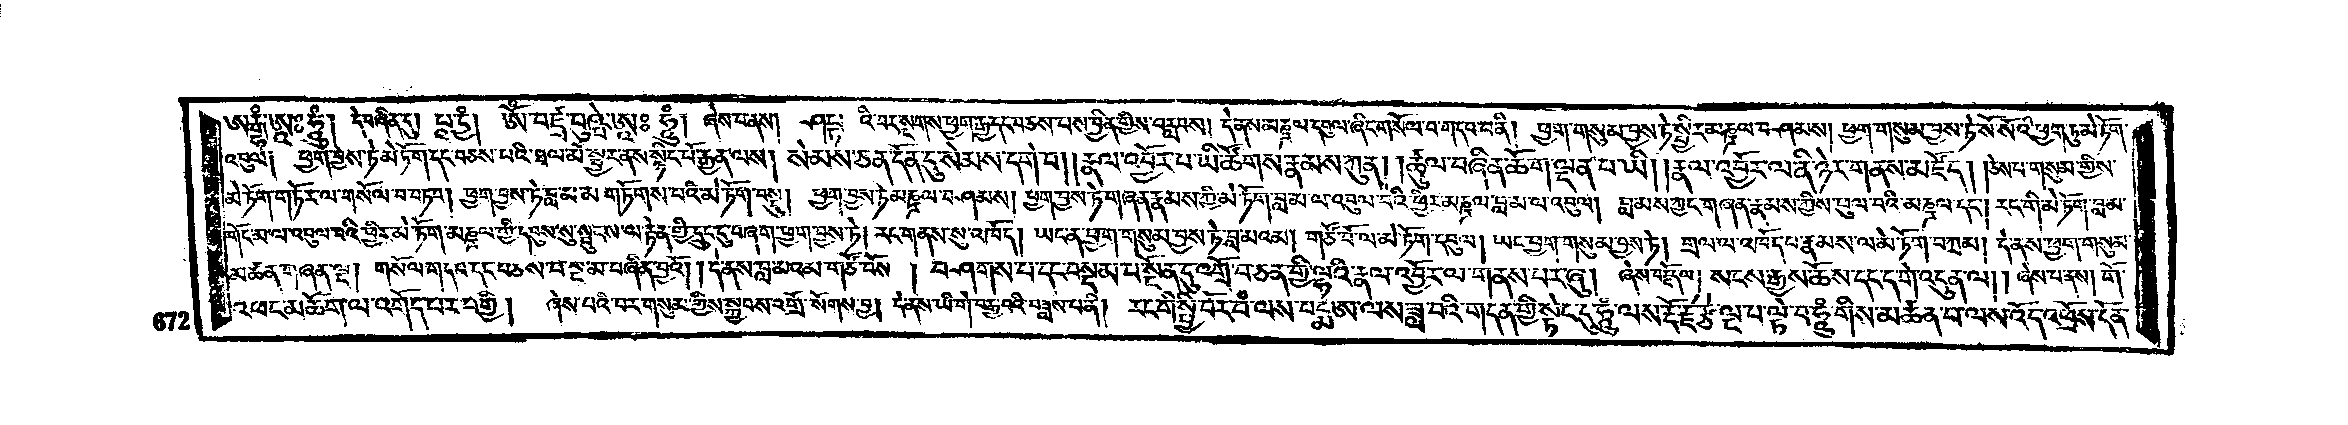ཨརྒྷཾ་ཨཱཿ ཧཱུཾ། དེ་བཞིན་དུ།  པཱ་དྱཾ། ཨོཾ་བཛྲ་པུཥྤེ་ཨཱཿ ཧཱུཾ། ཞེས་པ་ནས།  ཤཔྟའི་བར་སྔགས་ཕྱག་རྒྱ་དང་བཅས་པས་བྱིན་གྱིས་བརླབས། དེ་ནས་མཎྜལ་དབུལ་ཞིང་གསོལ་བ་གདབ་པ་ནི། ཕྱག་གསུམ་བྱས་ཏེ་སྤྱིར་མཎྜལ་བཤམས། ཕྱག་གསུམ་བྱས་ཏེ་སོ་སོའི་ཕྱག་ཏུ་མེ་ཏོག་
འབུལ། ཕྱག་བྱས་ཏེ་མེ་ཏོག་དང་བཅས་པའི་ཐལ་མོ་སྦྱར་ནས་སྙིང་པོ་རྒྱན་ལས། སེམས་ཅན་དོན་དུ་སེམས་དགེ་བ། །རྣལ་འབྱོར་པ་ཡི་ཚོགས་རྣམས་ཀུན། །ཚུལ་བཞིན་ཆོ་ག་ལྡན་པ་ཡི། །རྣལ་འབྱོར་ལ་ནི་ཉེར་གནས་མཛོད། །ཅེས་པ་གསུམ་གྱིས་
མེ་ཏོག་གཏོར་ལ་གསོལ་བ་བཏབ། ཕྱག་བྱས་ཏེ་བླ་མ་མ་གཏོགས་པའི་མེ་ཏོག་བསྡུ། ཕྱག་བྱས་ཏེ་མཎྜལ་བཤམས། ཕྱག་བྱས་ཏེ་གཞན་རྣམས་ཀྱི་མེ་ཏོག་བླ་མ་ལ་འབུལ་བའི་ཕྱིར་མཎྜལ་བླ་མ་ལ་འབུལ། བླ་མས་ཀྱང་གཞན་རྣམས་ཀྱིས་ཕུལ་བའི་མཎྜལ་དང་། རང་གི་མེ་ཏོག་བླ་མ་
གོང་མ་ལ་འབུལ་བའི་ཕྱིར་མེ་ཏོག་མཎྜལ་གྱི་དབུས་སུ་སྤུངས་ལ་རྟེན་གྱི་དྲུང་དུ་བཞག་ཕྱག་བྱས་ཏེ། རང་གནས་སུ་འཁོད། ཡང་ན་ཕྱག་གསུམ་བྱས་ཏེ་བླ་མའམ། གཙོ་བོ་ལ་མེ་ཏོག་དབུལ། ཡང་ཕྱག་གསུམ་བྱས་ཏེ། གྲལ་ལ་འཁོད་པ་རྣམས་ལ་མེ་ཏོག་བཀྲམ། དེ་ནས་ཕྱག་གསུམ་
མཚན་གཞན་ལྔ། གསོལ་གདབ་དང་བཅས་པ་སྔ་མ་བཞིན་བྱའོ། །དེ་ནས་བླ་མའམ་གཙོ་བོས། བཤགས་པ་དང་བསྡམ་པ་སྔོན་དུ་འགྲོ་བ་ཅན་གྱི་ལྷའི་རྣལ་འབྱོར་ལ་གནས་པར་ཞུ། ཞེས་བརྗོད་ལ།  སངས་རྒྱས་ཆོས་དང་དགེ་འདུན་ལ། །ཞེས་པ་ནས།  གོ་
འཕང་མཆོག་ལ་འགོད་པར་བགྱི། ཞེས་པའི་བར་གསུམ་གྱིས་སྐྱབས་འགྲོ་སོགས་བྱ། དེ་ནས་ཡི་གེ་བརྒྱ་བའི་བཟླས་པ་ནི།  རང་གི་སྤྱི་བོར་པཾ་ལས་པདམ་ཨ་ལས་ཟླ་བའི་གདན་གྱི་སྟེང་དུ་ཧཱུཾ་ལས་རྡོ་རྗེ་རྩེ་ལྔ་པ་ལྟེ་བ་ཧཱུཾ་གིས་མཚན་པ་ལས་འོད་འཕྲོས་དོན་